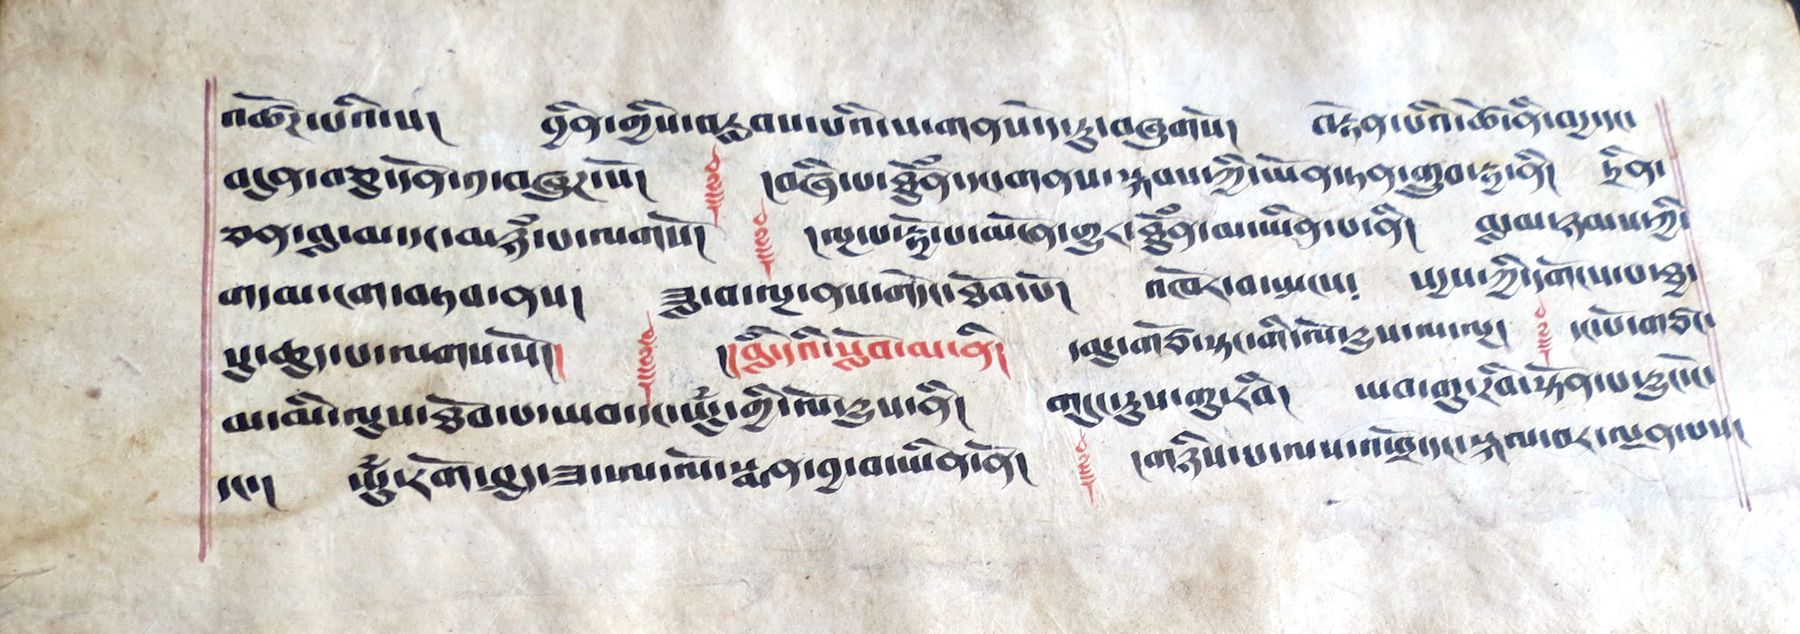འཚོགས་པའི་ས། བྱིན་གྱིས་བརླབས་པའི་གནས་དེར་བཞུགས་སོ། བརྟེན་པའི་ཚེ་ནི་བརྒྱ་དང་
བདུན་ཅུ་དོན་གཅིག་བཞུགས་སོ། ། བཞི་པ་ཐུན་མོང་དང་གནས་སྐབས་ཀྱི་ཡོན་ཏན་གྲུབ་རྟགས་ནི། དྲིན་
ཅན་བླ་མ་དང་མཉམ་པ་ལགས་སོ། ། ལྔ་པ་རྟོགས་པ་མངོན་གྱུར་ཐུན་མོང་མ་ཡིན་པ་ནི། བླ་མས་ཉམས་ཀྱི་
གདམས་ངག་བཏབ་ནས་ཟླ་བ་ལྔ་ནས་གདིང་ཐོབ་བོ། ། འཁོར་བ་སྤངས། སངས་རྒྱས་ཀྱི་དགོངས་པ་ཐུགས་
སུ་ཆུད་པ་ལགས་སོ། བླ་མ་དེའི་སློབ་མ་ནི། དམུ་ཙོ་སྟངས་ཀྱི་ལོ་རྒྱུས་ལ་ལྔ། དང་པོ་གཙང་
མ་མི་ལུས་ཐོབ་པ་ཡབ་དང་ཡུམ་གྱི་ལོ་རྒྱུས་ནི། གདུང་རུས་ནི་གུ་རིབ་ཡབ་གུ་རིབ་སྟོན་པ་རྒྱུང་ངེ་
དང་། ཡུམ་རོག་ཤུད་བཟའ་ཨ་ལོ་སྨན་བྱ་བ་ཡིན་ནོ། ། གཉིས་པ་ལས་འཕྲོ་དང་སྐལ་པ་ལྡན་པས།